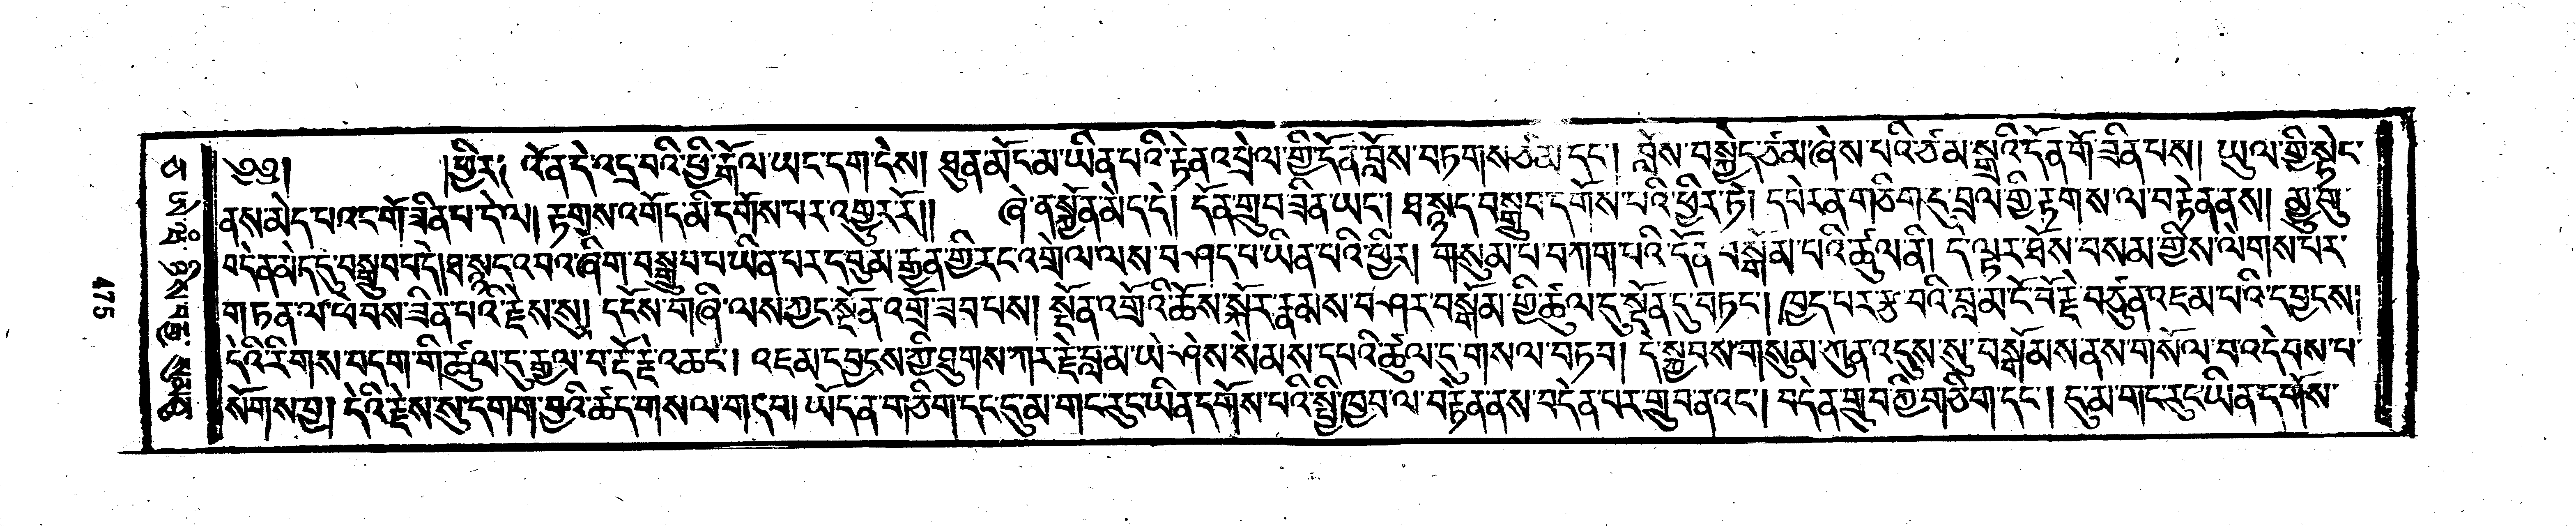༄༅། །ཕྱིར། འོ་ན་དེ་འདྲ་བའི་ཕྱི་རྒོལ་ཡང་དག་དེས། ཐུན་མོང་མ་ཡིན་པའི་རྟེན་འབྲེལ་གྱི་དོན་བློས་བཏགས་ཙམ་དང་། བློས་བསྐྱེད་ཙམ་ཞེས་པའི་ཙམ་སྒྲའི་དོན་གོ་ཟིན་པས། ཡུལ་གྱི་སྟེང་
ནས་མེད་པའང་གོ་ཟིན་པ་དེ་ལ། རྟགས་འགོད་མི་དགོས་པར་འགྱུར་རོ། །ཞེ་ན་སྐྱོན་མེད་དེ། དོན་གྲུབ་ཟིན་ཡང་། ཐ་སྙད་བསྒྲུབ་དགོས་པའི་ཕྱིར་ཏེ། དཔེར་ན་གཅིག་དུ་བྲལ་གྱི་རྟགས་ལ་བརྟེན་ནས། མྱུ་གུ་
བདེན་མེད་དུ་བསྒྲུབ་པ་དེ། ཐ་སྙད་འབའ་ཞིག་བསྒྲུབ་པ་ཡིན་པར་དབུ་མ་རྒྱན་གྱི་རང་འགྲེལ་ལས་བཤད་པ་ཡིན་པའི་ཕྱིར། གསུམ་པ་བཀག་པའི་དོན་བསྒོམ་པའི་ཚུལ་ནི། དེ་ལྟར་ཐོས་བསམ་གྱིས་ལེགས་པར་
གཏན་ལ་ཕེབས་ཟིན་པའི་རྗེས་སུ། དངོས་གཞི་ལས་ཀྱང་སྔོན་འགྲོ་ཟབ་པས། སྔོན་འགྲོའི་ཆོས་སྐོར་རྣམས་བཤར་བསྒོམ་གྱི་ཚུལ་དུ་སྔོན་དུ་བཏང་། ཁྱད་པར་རྩ་བའི་བླ་མ་ངོ་བོ་རྗེ་བཙུན་འཇམ་པའི་དབྱངས།
དེའི་རིགས་བདག་གི་ཚུལ་དུ་རྒྱལ་བ་རྡོ་རྗེ་འཆང་། འཇམ་དབྱངས་ཀྱི་ཐུགས་ཀར་རྗེ་བླ་མ་ཡེ་ཤེས་སེམས་དཔའི་ཚུལ་དུ་གསལ་བཏབ། དེ་སྐྱབས་གསུམ་ཀུན་འདུས་སུ་བསྒོམས་ནས་གསོལ་བ་འདེབས་པ་
སོགས་བྱ། དེའི་རྗེས་སུ་དགག་བྱའི་ཚད་གསལ་གདབ། ཡོད་ན་གཅིག་དང་དུ་མ་གང་རུང་ཡིན་དགོས་པའི་སྤྱི་ཁྱབ་ལ་བརྟེན་ནས་བདེན་པར་གྲུབ་ནའང་། བདེན་གྲུབ་ཀྱི་གཅིག་དང་། དུ་མ་གང་རུང་ཡིན་དགོས་